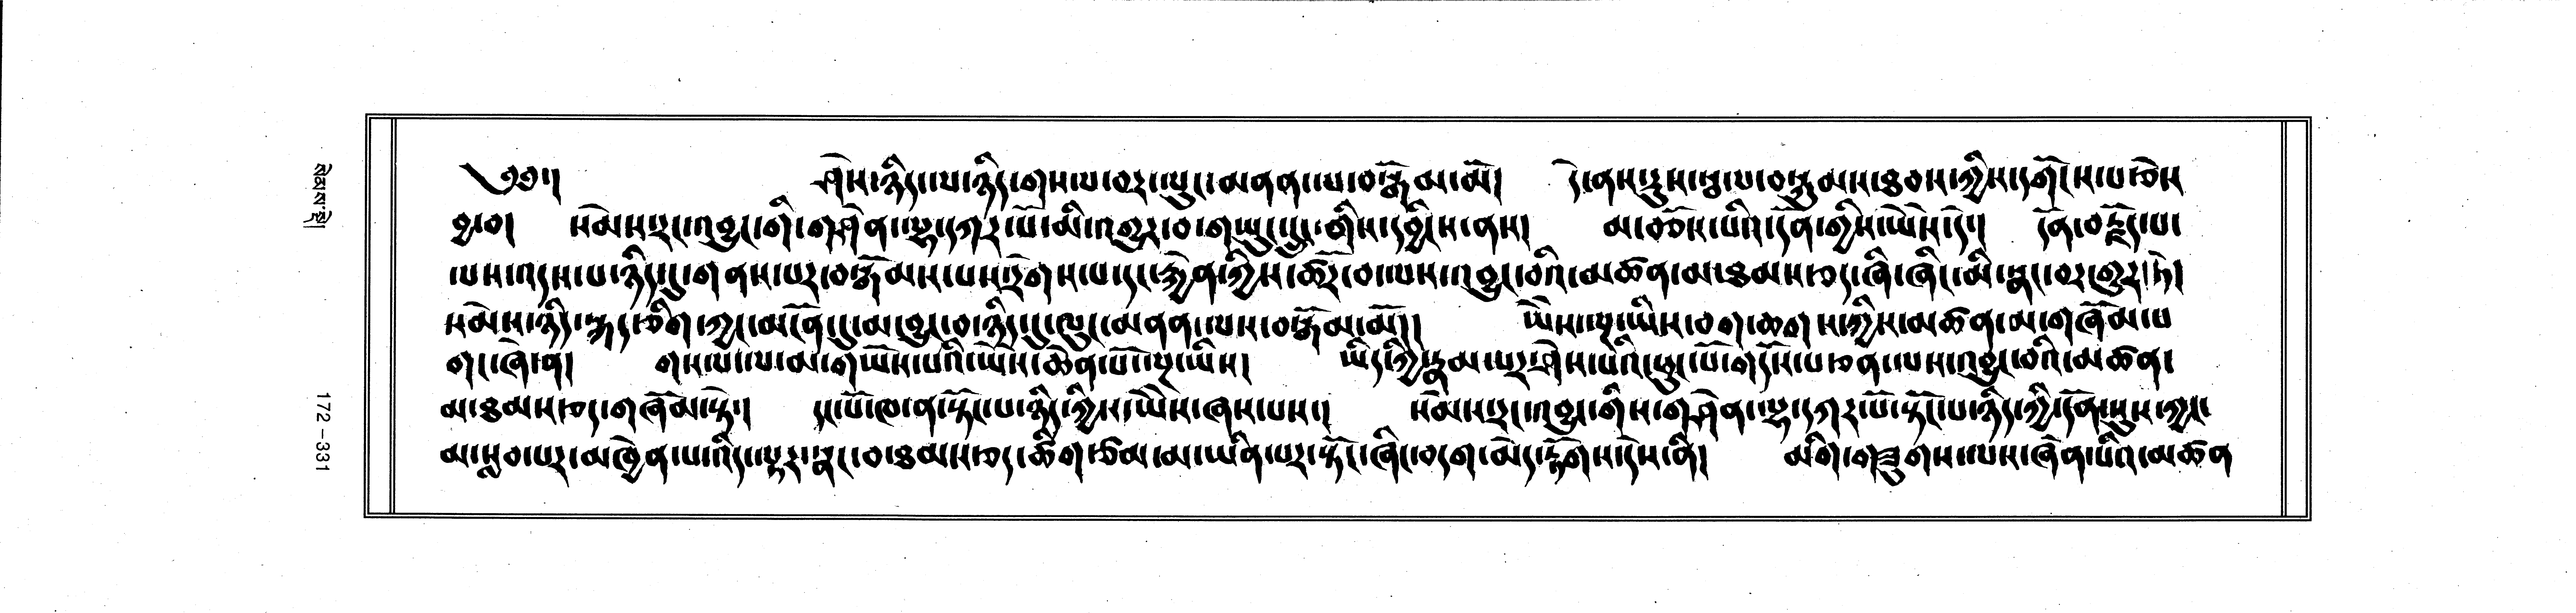ཤེས་ཉིད་ལ་ཉིད་གསལ་བར་ལུང་མནན་ལ་བསྒོམ་མོ། དེ་ནས་རུས་སྦལ་བསྐུམས་ཐབས་ཀྱིས་དགོངས་པ་ཅེས་
བྱ་བ། སེམས་རང་འབྱུང་གི་གཤེན་ལྷ་དཀར་པོ་མི་འགྱུར་བ་གཡུང་དྲུང་གིས་དབྱིངས་ནས། མ་བཅོས་པའི་དོན་གྱིས་ཡེ་ཤེས་དེ། དོན་བརྗོད་པ་
ལས་འདས་པ་ཉིད་དུ་གནས་པར་བསྒོམས་པས་རེག་པ་དང་རྐྱེན་ཀྱིས་ཚོར་བ་ལས་འབྱུང་བའི་མཚན་མ་ཐམས་ཅད་ཞི་ཞིང་མི་སྣང་བར་གྱུར་ཏེ། 
སེམས་ཉིད་སྐད་ཅིག་ཀྱང་མངོན་དུ་མ་བྱུང་བ་ཉིད་དུ་ལུང་མནན་ལས་བསྒོམ་མོ། ཡེ་ཤེས་ལྔ་ཡིས་བག་ཆགས་ཀྱིས་མཚན་མ་གཞོམ་པ་
གང་ཞེ་ན། གསལ་ལ་མ་གཡོས་པའི་ཡེ་ཤེས་ཆེན་པོ་ལྔ་ཡིས། ཡིད་ཀྱི་རྣམ་པར་ཤེས་པའི་ཕུང་པོ་གདོས་པ་ཅན་ལས་འབྱུང་བའི་མཚན་
མ་ཐམས་ཅད་གཞོམ་སྟེ། དང་པོ་ཁ་ན་སྟོང་པ་ཉིད་ཀྱིས་ཡེ་ཤེས་ཞེས་པས། སེམས་རང་འབྱུང་གིས་གཤེན་ལྷ་དཀར་པོ་སྟོང་པ་ཉིད་ཀྱོ་དོན་སུས་ཀྱང་
མ་སླབ་པར་མཁྱེན་པ་འདི་ལྟར་སྣང་བ་ཐམས་ཅད་ཚིག་ཙམ་མ་ཡིན་པར་སྟོང་ཞིང་བདག་མེད་རྟོགས་དེས་ནི། མིག་གཟུགས་ལས་ཞེན་པའི་མཚན་